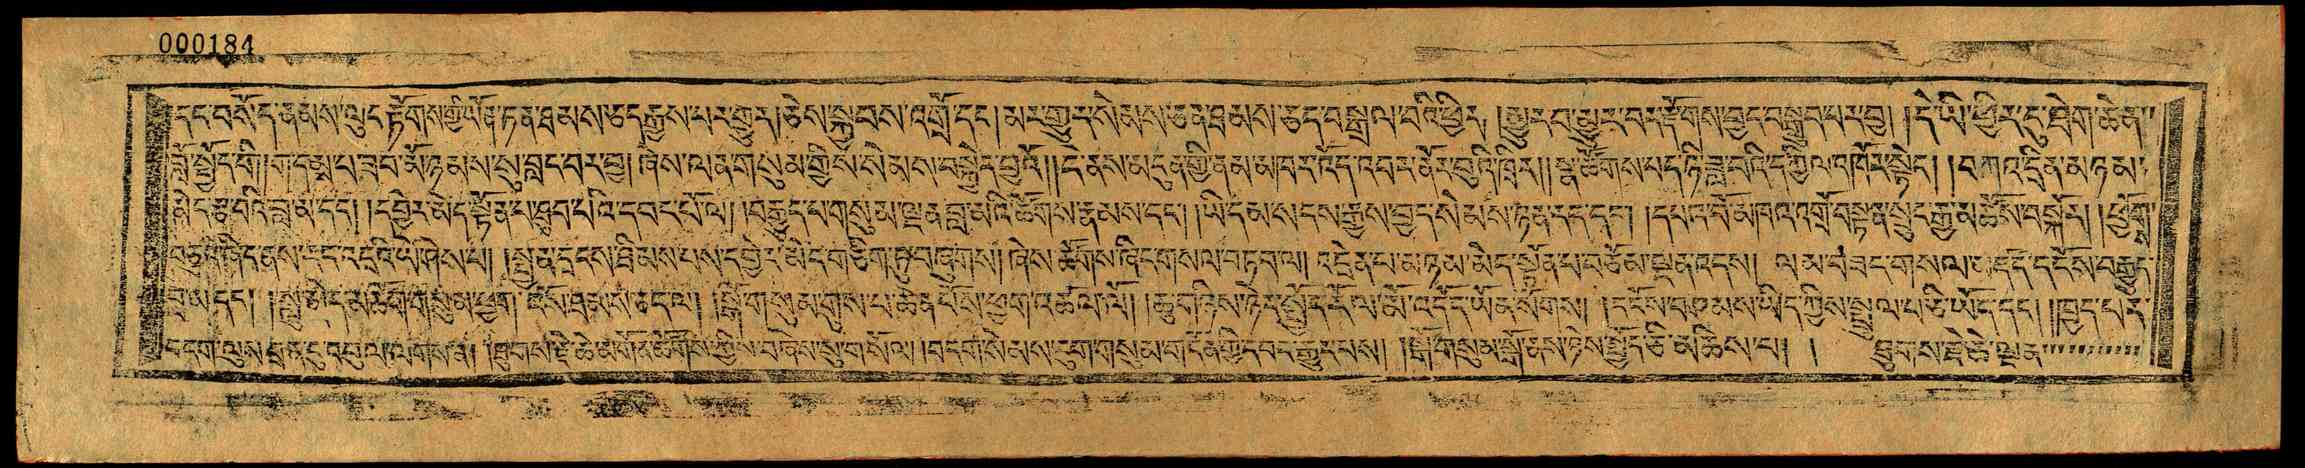དང་བསོད་ནམས་ལུང་རྟོགས་ཀྱི་ཡོན་ཏན་ཐམས་ཅད་རྒྱས་པར་གྱུར། ཅེས་སྐྱབས་འགྲོ་དང་། མར་གྱུར་སེམས་ཅན་ཐམས་ཅད་བསྒྲལ་བའི་ཕྱིར། །མྱུར་བ་མྱུར་བར་རྫོགས་བྱང་བསྒྲུབ་པར་བྱ། །དེ་ཡི་ཕྱིར་དུ་ཐེག་ཆེན་
བློ་སྦྱོང་གི །གདམ་པ་ཟབ་མོ་ཉམས་སུ་བླང་བར་བྱ། ཞེས་ལན་གསུམ་གྱིས་སེམས་བསྐྱེད་བྱའོ། །དེ་ནས། མདུན་གྱི་ནམ་མཁར་འོང་འབར་ནོར་བུའི་ཁྲིར། །སྣ་ཚོགས་པད་ཉི་ཟླ་བའི་དཀྱིལ་འཁོར་སྟེང་། །བཀའ་དྲིན་མཉམ་
མེད་རྩ་བའི་བླ་མ་དང་། །དབྱེར་མེད་སྟོན་པ་ཐུབ་པའི་དབང་པོ་ལ། །བརྒྱུད་པ་གསུམ་ལྡན་བླ་མའི་ཚོགས་རྣམས་དང་། །ཡི་དམ་སངས་རྒྱས་བྱང་སེམས་ཉན་རང་དང་། །དཔའ་བོ་མཁའ་འགྲོ་བསྟན་སྲུང་རྒྱ་མཚོས་བསྐོར། །ཕྱོགས་
བཅུའི་ཞིང་ནས་རང་འདྲའི་ཡེ་ཤེས་པ། །སྤྱན་དྲངས་ཐིམས་པས་དབྱེར་མེད་གཅིག་ཏུ་བཞུགས། ཞེས་ཚོགས་ཞིང་གསལ་བཏབ་ལ། འདྲེན་པ་མཉམ་མེད་སྟོན་པ་བཅོམ་ལྡན་འདས། །ལམ་བཟང་གསལ་མཛད་དངོས་བརྒྱུད་
བླ་མ་དང་། །སླུ་མེད་མཆོག་གསུམ་ཕྱག་འོས་ཐམས་ཅད་ལ། །སྒོ་གསུམ་གུས་པ་ཆེན་པོས་ཕྱག་འཚལ་ལོ། །ཆུ་གཉིས་ཉེར་སྤྱོད་རོལ་མོ་འདོད་ཡོན་སོགས། །དངོས་བཤམས་ཡིད་ཀྱིས་སྤྲུལ་པ་ཅི་ཡོད་དང་། །ཁྱད་པར་
བདག་ལུས་བྲན་དུ་འབུལ་ལགས་ན། །ཐུགས་རྗེ་ཆེ་མགོན་ཚོགས་ཀྱིས་བཞེས་སུ་གསོལ། །བདག་སེམས་དུག་གསུམ་གདོན་གྱི་དབང་གྱུར་པས། །སྒོ་གསུམ་སྒོ་ནས་ཉེས་སྤྱོད་ཅི་མཆིས་པ། །ཐུགས་རྗེ་ཆེ་ལྡན་